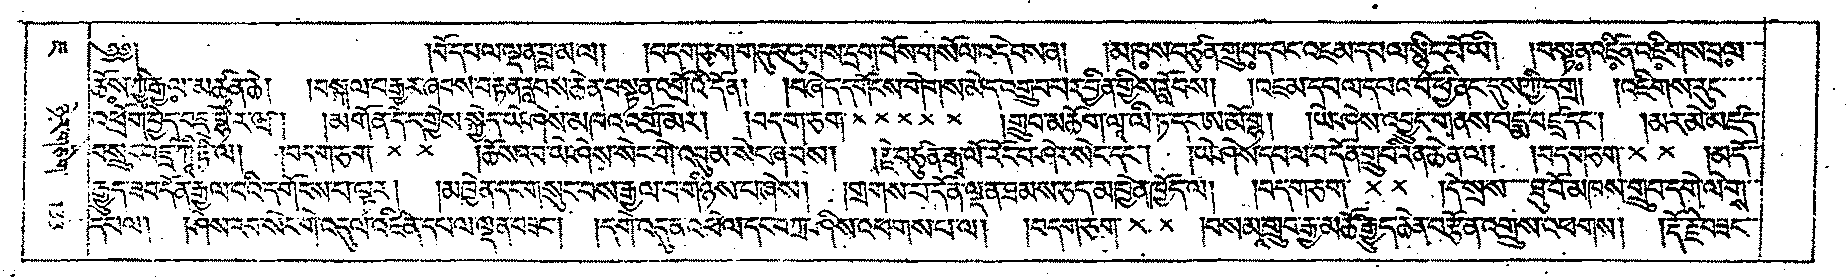༄༅། །བོ་དཔལ་ལྡན་བླ་མ་ལ། །བདག་ཅག་གདུང་ཤུགས་དྲག་པོས་གསོལ་འདེབས་ན། །མཁས྾་བཙུན་གྲུབ྾་དབང་འཇམ་དཔལ་སྙིང་པོ་ཡི། །བསྟན྾་འཛིན྾་འཇིགས྾་བྲལ྾་
ཆོས྾་ཀྱི྾་རྒྱལ྾་མཚན྾་ཆེ། །བསྐལ་བརྒྱར་ཞབས་བརྟན་རླབས་ཆེན་བསྟན་འགྲོའི་དོན། །བཞེད་དགོངས་གེགས་མེད་འགྲུབ་པར་བྱིན་གྱིས་རློབས། །འཇམ་དཔལ་དཔའ་བོ་ཕྱི་ནང་དུས་ཀྱི་དགྲ། །འཇིགས་རུང་
འཕྲོག་བྱེད་བཛྲ་བྷཻ་ར་ཝ། །མགོན་དེ་དགྱེས་སྐྱེད་ཡེ་ཤེས་མཁའ་འགྲོ་མར། །བདག་ཅག་྾་྾་྾་྾་྾་།གྲུབ་མཆོག་ལཱ་ལི་ཏ་དང་ཨ་མོ་གྷ། །ཡེ་ཤེས་འབྱུང་གནས་པདམ་བཛྲ་དང་། །མར་མེ་མཛད་
བསྲུང་བཛྲ་ཀཱིརྟི་ལ། །བདག་ཅག་྾་྾་།ཆོས་རབ་ཡེ་ཤེས་སེང་གེ་འབུམ་སེང་ཞབས། །རྗེ་བཙུན་རྒྭ་ལོ་རོང་པ་ཤེར་སེང་དང་། །ཡེ་ཤེས་དཔལ་བ་དོན་གྲུབ་རིན་ཆེན་ལ། །བདག་ཅག་྾་྾་།མདོ་
རྒྱུད་ཟབ་དོན་རྒྱལ་བའི་དགོངས་པ་ལྟར། །མཁྱེན་དང་གསུང་བས་རྒྱལ་བ་གཉིས་པ་ཞེས། །གྲགས་པ་དོན་ལྡན་ཐམས་ཅད་མཁྱེན་ཁྱོད་ལ། །བདག་ཅག་྾་྾་།དེ་སྲས་ཐུ་བོ་མཁས་གྲུབ་དགེ་ལེགས་
དཔལ། །ཤེས་རབ་སེང་གེ་འདུལ་འཛིན་དཔལ་ལྡན་བཟང་། །དགེ་འདུན་འཕེལ་དང་བཀྲ་ཤིས་འཕགས་པ་ལ། །བདག་ཅག་྾་྾་།བསམ་འགྲུབ་རྒྱ་མཚོ་རྒྱུད་ཆེན་བརྩོན་འགྲུས་འཕགས། །རྡོ་རྗེ་བཟང་